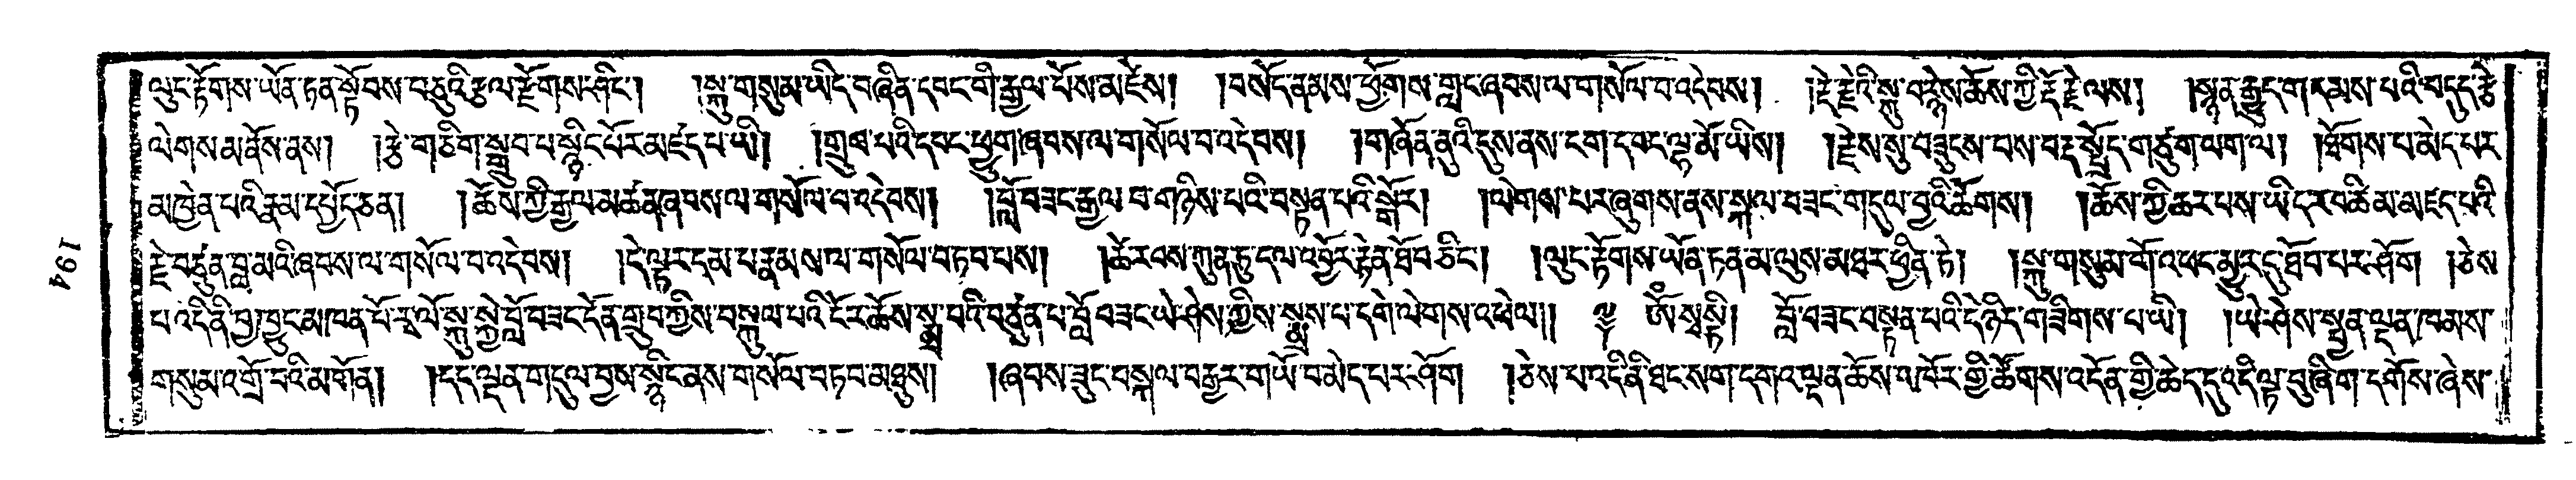ལུང་རྟོགས་ཡོན་ཏན་སྟོབས་བཅུའི་རྩལ་རྫོགས་ཤིང་། །སྐུ་གསུམ་ཡིད་བཞིན་དབང་གི་རྒྱལ་པོས་མཛེས། །བསོད་ནམས་ཕྱོགས་གླང་ཞབས་ལ་གསོལ་བ་འདེབས། །རྡོ་རྗེའི་སྐུ་བརྙེས་ཆོས་ཀྱི་རྡོ་རྗེ་ལས། །སྙན་རྒྱུད་གདམས་པའི་བདུད་རྩེ་
ལེགས་མནོས་ནས། །རྩེ་གཅིག་སྒྲུབ་པ་སྙིང་པོར་མཛད་པ་ཡི། །གྲུབ་པའི་དབང་ཕྱུག་ཞབས་ལ་གསོལ་བ་འདེབས། །གཞོན་ནུའི་དུས་ནས་ངག་དབང་ལྷ་མོ་ཡིས། །རྗེས་སུ་བཟུངས་བས་བརྡ་སྤྲོད་གཙུག་ལག་ལ། །ཐོགས་པ་མེད་པར་
མཁྱེན་པའི་རྣམ་དཔྱོད་ཅན། །ཆོས་ཀྱི་རྒྱལ་མཚན་ཞབས་ལ་གསོལ་བ་འདེབས། །བློ་བཟང་རྒྱལ་བ་གཉིས་པའི་བསྟན་པའི་སྒོར། །ལེགས་པར་ཞུགས་ནས་སྐལ་བཟང་གདུལ་བྱའི་ཚོགས། །ཆོས་ཀྱི་ཆར་པས་ཡིད་རབ་ཚིམ་མཛད་པའི་
རྗེ་བཙུན་བླ་མའི་ཞབས་ལ་གསོལ་བ་འདེབས། །དེ་ལྟར་དམ་པ་རྣམས་ལ་གསོལ་བཏབ་པས། །ཚེ་རབས་ཀུན་ཏུ་དལ་འབྱོར་རྟེན་ཐོབ་ཅིང་། །ལུང་རྟོགས་ཡོན་ཏན་མ་ལུས་མཐར་ཕྱིན་ཏེ། །སྐུ་གསུམ་གོ་འཕང་མྱུར་དུ་ཐོབ་པར་ཤོ་ག །ཅེས་
པ་འདི་ནི་བྱ་ཁྱུང་མཁན་པོ་རྭ་ལོ་སྐུ་སྐྱེ་བློ་བཟང་དོན་གྲུབ་ཀྱིས་བསྐུལ་པའི་ངོར་ཆོས་སྨྲ་བའི་བཙུན་པ་བློ་བཟང་ཡེ་ཤེས་ཀྱིས་སྨྲས་པ་དགེ་ལེགས་འཕེལ།། ༈ ཨོཾ་སྭསྟི། བློ་བཟང་བསྟན་པའི་དེ་ཉིད་གཟིགས་པ་ཡི། །ཡེ་ཤེས་སྤྱན་ལྡན་ཁམས་
གསུམ་འགྲོ་བའི་མགོན། །དད་ལྡན་གདུལ་བྱས་སྙིང་ནས་གསོལ་བཏབ་མཐུས། །ཞབས་ཟུང་བསྐལ་བརྒྱར་གཡོ་བ་མེད་པར་ཤོག །ཅེས་པ་འདི་ནི་ཐང་སག་དགའ་ལྡན་ཆོས་འཁོར་གྱི་ཚོགས་འདོན་གྱི་ཆེད་དུ་འདི་ལྟ་བུ་ཞིག་དགོས་ཞེས་